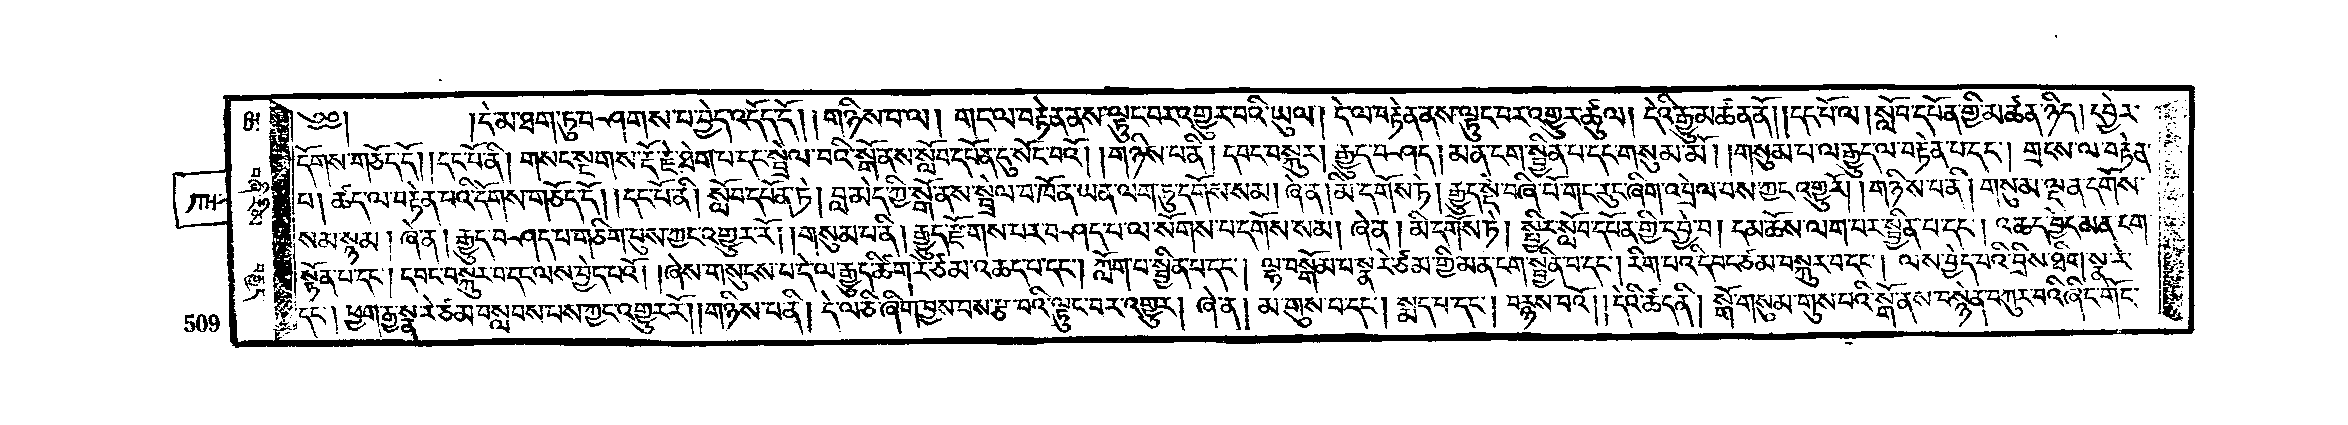༄༅། །དེ་མ་ཐག་ཏུ་བཤགས་པ་བྱེད་འདོད་དོ། །གཉིས་པ་ལ། གང་ལ་བརྟེན་ནས་ལྟུང་བར་འགྱུར་བའི་ཡུལ། དེ་ལ་བརྟེན་ནས་ལྟུང་བར་འགྱུར་ཚུལ། དེའི་རྒྱུ་མཚན་ནོ། །དང་པོ་ལ། སློབ་དཔོན་གྱི་མཚན་ཉིད། དབྱེ་བ།
དོགས་གཅོད་དོ། །དང་པོ་ནི། གསང་སྔགས་རྡོ་རྗེ་ཐེག་པ་དང་སྦྲེལ་བའི་སྒོ་ནས་སློབ་དཔོན་དུ་སོང་བའོ། །གཉིས་པ་ནི། དབང་བསྐུར། རྒྱུད་བཤད། མན་ངག་སྦྱིན་པ་དང་གསུམ་མོ། །གསུམ་པ་ལ་རྒྱུད་ལ་བརྟེན་པ་དང་། གྲངས་ལ་བརྟེན་
པ། ཚད་ལ་བརྟེན་པའི་དོགས་གཅོད་དོ། །དང་པོ་ནི། སློབ་དཔོན་ཏེ། བླ་མེད་ཀྱི་སྒོ་ནས་སྦྲེལ་བ་ཁོ་ན་ཡན་ལག་ཏུ་དགོས་སམ། ཞེ་ན། མི་དགོས་ཏེ། རྒྱུད་སྡེ་བཞི་པོ་གང་རུང་ཞིག་འབྲེལ་བས་ཀྱང་འགྱུར་རོ། །གཉིས་པ་ནི། གསུམ་ལྡན་དགོས་
སམ་སྙམ། ཞེ་ན། རྒྱུད་བཤད་པ་གཅིག་པུས་ཀྱང་འགྱུར་རོ། །གསུམ་པ་ནི། རྒྱུད་རྫོགས་པར་བཤད་པ་ལ་སོགས་པ་དགོས་སམ། ཞེ་ན། མི་དགོས་ཏེ། སྤྱིར་སློབ་དཔོན་གྱི་དབྱེ་བ། དམ་ཆོས་ལག་པར་སྦྱིན་པ་དང་། འཆད་བྱེད་མན་ངག་
སྟོན་པ་དང་། དབང་བསྐུར་བ་དང་ལས་བྱེད་པའོ། །ཞེས་གསུངས་པ་དེ་ལ་རྒྱུད་ཚིག་རེ་ཙམ་འཆད་པ་དང་། ཀློག་པ་སྦྱིན་པ་དང་། ལྷ་བསྒོམ་པ་སྣ་རེ་ཙམ་གྱི་མན་ངག་སྦྱིན་པ་དང་། རིག་པའི་དབང་ཙམ་བསྐུར་བ་དང་། ལས་བྱེད་པའི་བྲིས་ཐིག་སྣ་རེ་
དང་། ཕྱག་རྒྱ་སྣ་རེ་ཙམ་བསླབས་པས་ཀྱང་འགྱུར་རོ། །གཉིས་པ་ནི། དེ་ལ་ཅི་ཞིག་བྱས་བས་རྩ་བའི་ལྟུང་བར་འགྱུར། ཞེ་ན། མ་གུས་པ་དང་། སྨད་པ་དང་། བརྙས་པའོ། །དེའི་ཚད་ནི། སྒོ་གསུམ་གུས་པའི་སྒོ་ནས་བསྙེན་བཀུར་བའི་ཞིང་གོང་